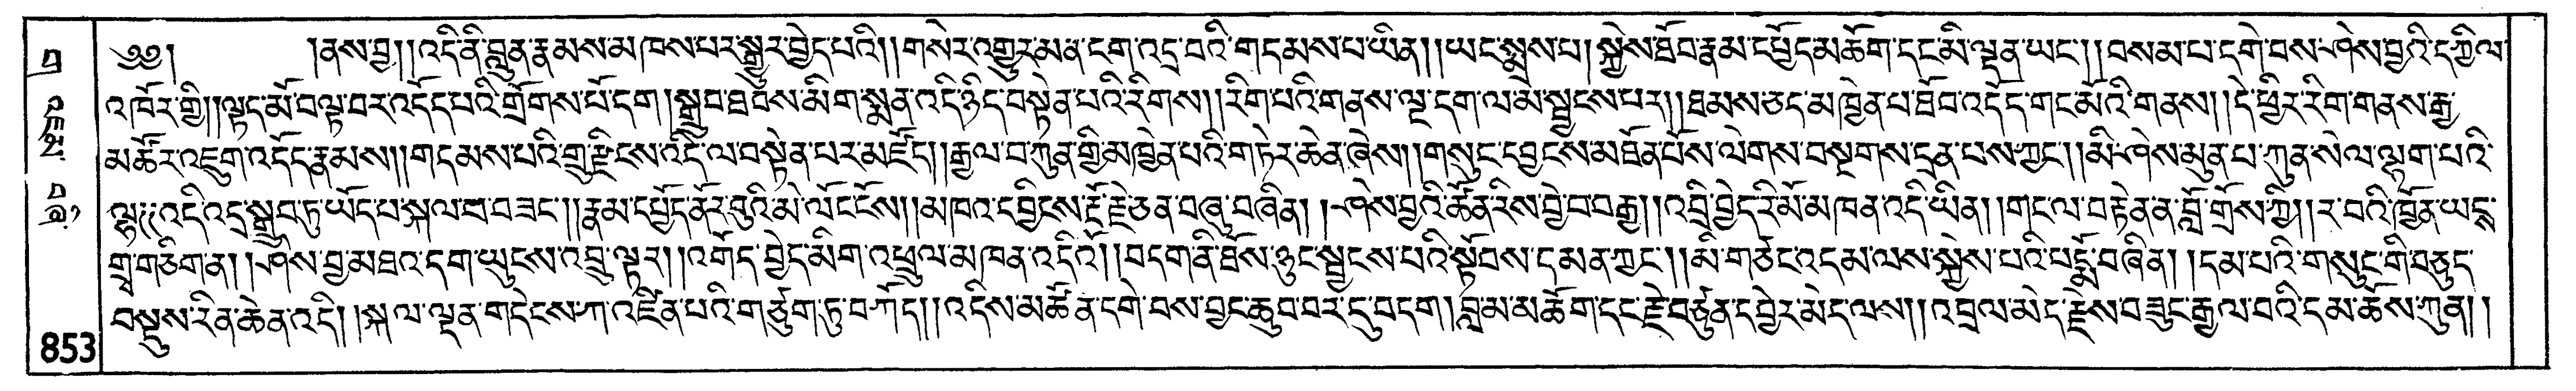༄༅། །ནས་བྱ། །འདི་ནི་བླུན་རྣམས་མཁས་པར་སྒྱུར་བྱེད་པའི། །གསེར་འགྱུར་མན་ངག་འདྲ་བའི་གདམས་པ་ཡིན། །ཡང་སྨྲས་པ། སྐྱེས་ཐོབ་རྣམ་དཔྱོད་མཆོག་དང་མི་ལྡན་ཡང་། །བསམ་པ་དགེ་བས་ཤེས་བྱའི་དཀྱིལ་
འཁོར་གྱི། །ལྟད་མོ་བལྟ་བར་འདོད་པའི་གྲོགས་པོ་དག །སྒྲུབ་ཐབས་མིག་སྨན་འདི་ཉིད་བསྟེན་པའི་རིགས། །རིག་པའི་གནས་ལྔ་དག་ལ་མ་སྦྱངས་པར། །ཐམས་ཅད་མཁྱེན་པ་ཐོབ་འདོད་གང་མོའི་གནས། །དེ་ཕྱིར་རིག་གནས་རྒྱ་
མཚོར་འཇུག་འདོད་རྣམས། །གདམས་པའི་གྲུ་རྫིངས་འདི་ལ་བསྟེན་པར་མཛོད། །རྒྱལ་བ་ཀུན་གྱི་མཁྱེན་པའི་གཏེར་ཆེན་ཞེས། །གསུང་དབྱངས་མཐོན་པོས་ལེགས་བསྔགས་དྲན་པས་ཀྱང་། །མི་ཤེས་མུན་པ་ཀུན་སེལ་ལྷག་པའི་
ལྷ། །འདི་འདྲ་སྒྲུབ་ཏུ་ཡོད་པ་སྐལ་བ་བཟང་། །རྣམ་དཔྱོད་ནོར་བུའི་མེ་ལོང་ངོས། །མཁའ་དབྱིངས་རྡོ་རྗེ་ཅན་བཞུ་བཞིན། །ཤེས་བྱའི་ཚོན་རིས་བྱེ་བ་བརྒྱ། །འབྲི་བྱེད་རི་མོ་མཁན་འདི་ཡིན། །གང་ལ་བརྟེན་ན་བློ་གྲོས་ཀྱི། །ར་བའི་ཁྱོན་ཡངས་
གྲྭ་གཅིག་ན། །ཤེས་བྱ་མཐའ་དག་ཡུངས་འབྲུ་ལྟར། །འགོད་བྱེད་མིག་འཕྲུལ་མཁན་འདིའོ། །བདག་ནི་ཐོས་ཉུང་སྦྱངས་པའི་སྟོབས་དམན་ཀྱང་། །མི་གཙང་འདམ་ལས་སྐྱེས་པའི་པདམོ་བཞིན། །དམ་པའི་གསུང་གི་བཅུད་
བསྡུས་རིན་ཆེན་འདི། །སྐལ་ལྡན་གདེངས་ཀ་འཛིན་པའི་གཙུག་ཏུ་བཀོད། །འདིས་མཚོན་དགེ་བས་བྱང་ཆུབ་བར་དུ་བདག །བླ་མ་མཆོག་དང་རྗེ་བཙུན་དབྱེར་མེད་ལས། །འབྲལ་མེད་རྗེས་བཟུང་རྒྱལ་བའི་དམ་ཆོས་ཀུན། །